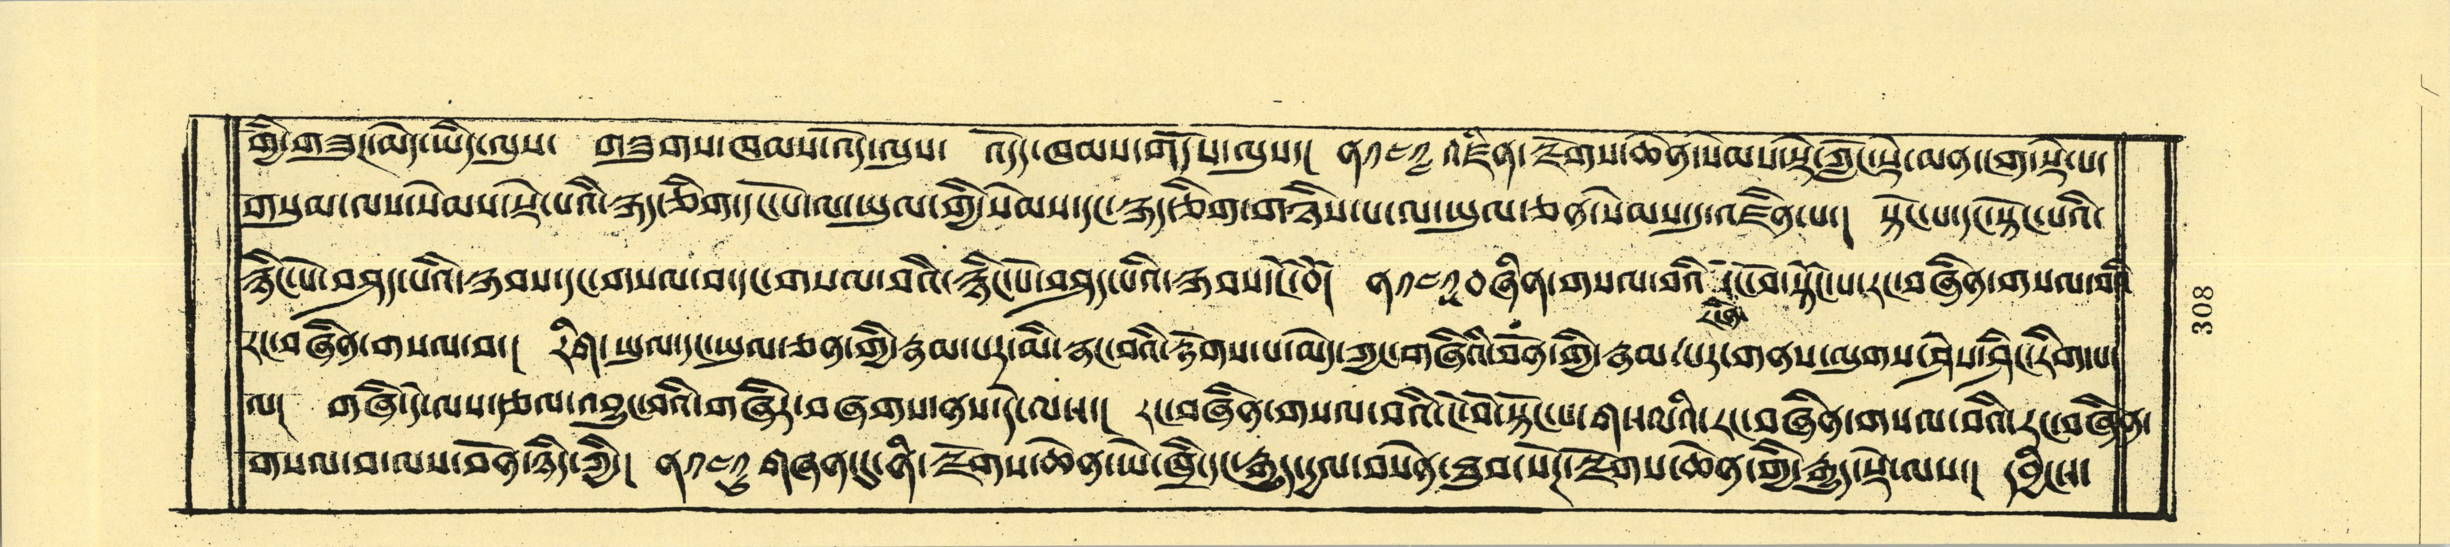གྱི་གཟུགས་མེད་ཡོད་ལུས། གཟུགས་ཁམས་འོད་ལུས། འདོད་ཁམས་གདོས་ལུས། ན༡༤༡།༤ ༼འཛིན་༽སྫོགས་ཆེན་སེམས་སྡེ་ཀློང་སྡེ་མན་ངག་སྡེ་པ་
གསུམ་ལས་སེམས་སྡེ་པའི་སྐད་ཅིག་དང་པོ་ལ་ཡུལ་གྱི་སེམས་དང་སྐད་ཅིག་གཉིས་པ་ལ་ཡུལ་ཅན་སེམས་དུ་འཛིན་པ། སྟོང་པ་དང་སྟོང་པའི་
སྙིང་པོ་བཤད་པའི་སྐབས་དང་གསལ་བ་དང་གསལ་བའི་སྙིང་པོ་བཤད་པའི་སྐབས་ ༼ངོ་བོ་༽ན༡༤༡།༥ ༼བཞིན་༽གསལ་བའི་རང་བཞིན་ངོ་བོ་ ༼སྟོང་༽པ་རང་བཞིན་གསལ་བའི་
རང་བཞིན་གསལ་བ། ༼རིག་༽ཡུལ་དང་ཡུལ་ཅན་གྱི་རྣམ་པར་མི་སྣང་བའི་རྟོགས་པ་མེད་ཀྱང་གཞིའི་བོན་གྱི་རྣམ་པར་གནས་ལུགས་ཤེས་ཤིང་རིག་པ་
ལ། གཞི་དེ་ལས་རྩལ་འབྱུང་བའི་གཞིར་བཞགས་ནས་ ༼དེ་ལས་༽རང་བཞིན་གསལ་བའི་ངོ་བོ་སྟོང་པ་ ༼གསལ་བའི་༽རང་བཞིན་གསལ་བའི་རང་བཞིན་
གསལ་བ་ལས་བོན་ཉིད་ཀྱི། ན༡༤༡།༦ ༼གཞན་དུ་ནི་༽སྫོགས་ཆེན་ཡེ་ཁྲི་དང་རྒྱུད་རྒྱལ་བསེན་ཐུབ་སོགས་སྫོགས་ཆེན་གྱི་རྒྱུད་སྡེ་ལས། ༼དབྱིངས་༽